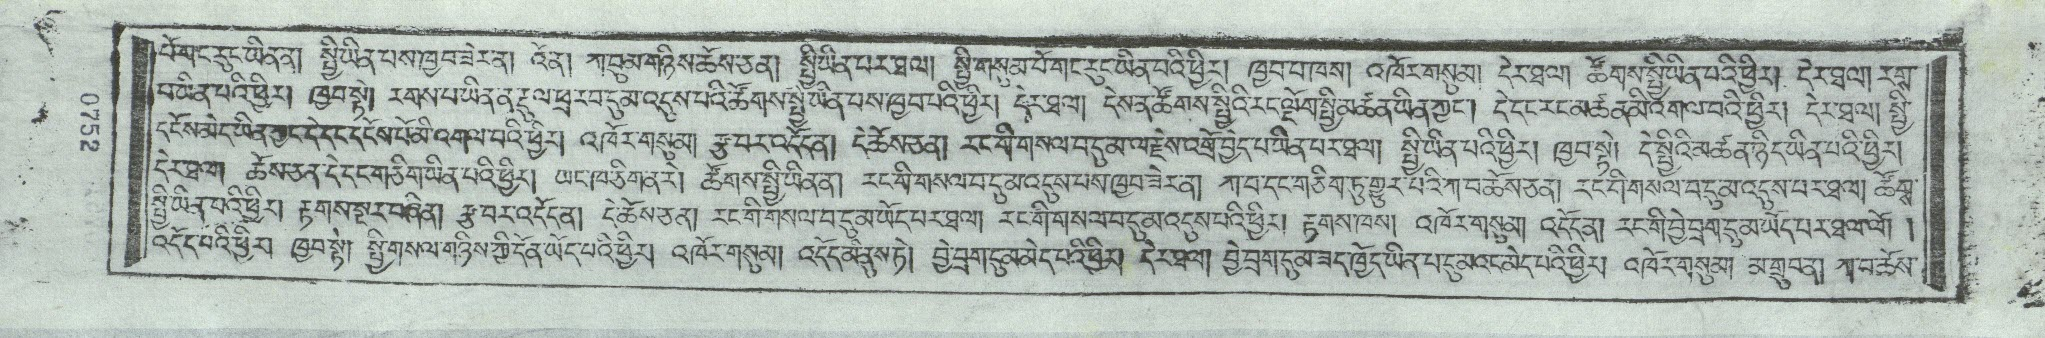པོ་གང་རུང་ཡིན་ན། སྤྱི་ཡིན་པས་ཁྱབ་ཟེར་ན། འོ་ན། ཀ་བུམ་གཉིས་ཆོས་ཅན། སྤྱི་ཡིན་པར་ཐལ། སྤྱི་གསུམ་པོ་གང་རུང་ཡིན་པའི་ཕྱིར། ཁྱབ་པ་ཁས། འཁོར་གསུམ། དེར་ཐལ། ཚོགས་སྤྱི་ཡིན་པའི་ཕྱིར། དེར་ཐལ། རགས་
པ་ཡིན་པའི་ཕྱིར། ཁྱབ་སྟེ། རགས་པ་ཡིན་ན་རྡུལ་ཕྲ་རབ་དུ་མ་འདུས་པའི་ཚོགས་སྤྱི་ཡིན་པས་ཁྱབ་པའི་ཕྱིར། དེར་ཐལ། དེས་ན་ཚོགས་སྤྱིའི་རང་ལྡོག་སྤྱི་མཚན་ཡིན་ཀྱང་། དེ་དང་རང་མཚན་མི་འགལ་བའི་ཕྱིར། དེར་ཐལ། སྤྱི་
དངོས་མེད་ཡིན་ཀྱང་དེ་དང་དངོས་པོ་མི་འགལ་བའི་ཕྱིར། འཁོར་གསུམ། རྩ་བར་འདོད་ན། དེ་ཆོས་ཅན། རང་གི་གསལ་བ་དུ་མ་ལ་རྗེས་འགྲོ་བྱེད་པ་ཡིན་པར་ཐལ། སྤྱི་ཡིན་པའི་ཕྱིར། ཁྱབ་སྟེ། དེ་སྤྱིའི་མཚན་ཉིད་ཡིན་པའི་ཕྱིར།
དེར་ཐལ། ཆོས་ཅན་དེ་དང་གཅིག་ཡིན་པའི་ཕྱིར། ཡང་ཁ་ཅིག་ན་རེ། ཚོགས་སྤྱི་ཡིན་ན། རང་གི་གསལ་བ་དུ་མ་འདུས་པས་ཁྱབ་ཟེར་ན། ཀ་བ་དང་གཅིག་ཏུ་གྱུར་པའི་ཀ་བ་ཆོས་ཅན། རང་གི་གསལ་བ་དུ་མ་འདུས་པར་ཐལ། ཚོགས་
སྤྱི་ཡིན་པའི་ཕྱིར། རྟགས་སྔར་བཞིན། རྩ་བར་འདོད་ན། དེ་ཆོས་ཅན། རང་གི་གསལ་བ་དུ་མ་ཡོད་པར་ཐལ། རང་གི་གསལ་བ་དུ་མ་འདུས་པའི་ཕྱིར། རྟགས་ཁས། འཁོར་གསུམ། འདོད་ན། རང་གི་བྱེ་བྲག་དུ་མ་ཡོད་པར་ཐལ་ལོ། །
འདོད་པའི་ཕྱིར། ཁྱབ་སྟེ། སྤྱི་གསལ་གཉིས་ཀྱི་དོན་ཡོད་པའི་ཕྱིར། འཁོར་གསུམ། འདོད་མི་ནུས་ཏེ། བྱེ་བྲག་དུ་མ་མེད་པའི་ཕྱིར། དེར་ཐལ། བྱེ་བྲག་དུ་མ་ཟད་ཁྱོད་ཡིན་པ་དུ་མའང་མེད་པའི་ཕྱིར། འཁོར་གསུམ། མ་གྲུབ་ན། ཀ་བ་ཆོས་